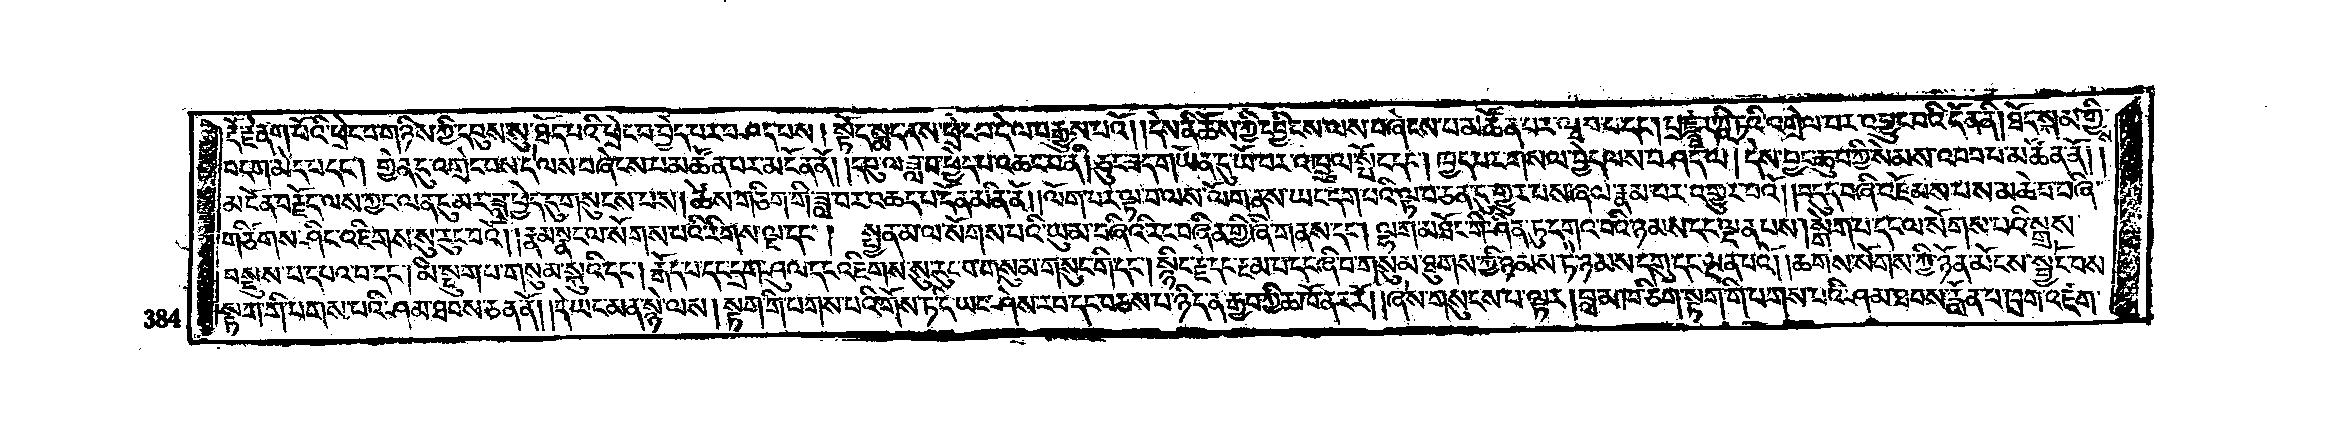རྡོ་རྗེ་ནག་པོའི་ཕྲེང་བ་གཉིས་ཀྱི་དབུས་སུ་ཐོད་པའི་ཕྲེང་བ་བྱེད་པར་བཤད་པས། སྟོད་སྨད་ནས་ཕྲེང་བ་དེ་ལ་བརྒྱུས་པའོ། །དེས་ནི་ཆོས་ཀྱི་དབྱིངས་ལས་བཞེངས་པ་མཚོན་པར་ལྭབ་པ་དང་། པྲཛྙཱ་རཀྵི་ཏའི་འགྲེལ་པར་འབྱུང་བའི་དོན་ནི། ཐོད་སྐམ་གྱིས་
བདག་མེད་པ་དང་། ཀྱེན་དུ་འགྲེང་པས་དེ་ལས་བཞེངས་པ་མཚོན་པར་མངོན་ནོ། །དབུ་ལ་ཟླ་བ་ཕྱེད་པ་འཆང་བ་ནི། ཅུང་ཟད་གྱོན་དུ་ཡོ་བར་འཁྲུལ་སྤོང་དང་། ཁྱད་པར་གསལ་བྱེད་ལས་བཤད་ལ། དེས་བྱང་ཆུབ་ཀྱི་སེམས་འབབ་པ་མཚོན་ནོ། །
མངོན་བརྗོད་ལས་ཀྱང་ལན་དུ་མར་ཟླ་ཕྱེད་དུ་གསུངས་པས། ཚེས་གཅིག་གི་ཟླ་བར་འཆད་པ་དོན་མིན་ནོ། །ལོག་པར་ལྟ་བ་ལས་ལོག་ནས་ཡང་དག་པའི་ལྟ་བ་ཅན་དུ་གྱུར་པས་ཞལ་རྣམ་པར་འགྱུར་བའོ། །བདུད་བཞི་འཇོམས་པས་མཆེ་བ་བཞི་
གཙིགས་ཤིང་འཇིགས་སུ་རུང་བའོ། །རྣམ་སྣང་ལ་སོགས་པའི་རིགས་ལྔ་དང་། སྤྱན་མ་ལ་སོགས་པའི་ཡུམ་བཞིའི་རིང་བཞིན་གྱི་ཞི་གནས་དང་། ལྷག་མཐོང་གི་ཤིན་ཏུ་དགའ་བའི་ཉམས་དང་ལྡན་པས། སྒེག་པ་དང་ལ་སོགས་པའི་སྒྲས་
བསྡུས་པ་དཔའ་བ་དང་། མི་སྡུག་པ་གསུམ་སྐུའི་དང་། རྒོད་པ་དང་དྲག་ཤུལ་དང་འཇིགས་སུ་རུང་བ་གསུམ་གསུང་གི་དང་། སྙིང་རྗེ་དང་རྔམ་པ་དང་ཞི་བ་གསུམ་ཐུགས་ཀྱི་ཉམས་ཏེ་ཉམས་དགུ་དང་ལྡན་པའོ། །ཆགས་སོགས་ཀྱི་ཉོན་མོངས་སྦྱོང་བས་
སྟག་གི་པགས་པའི་ཤམ་ཐབས་ཅན་ནོ། །དེ་ཡང་མན་སྙེ་ལས། སྟག་གི་པགས་པའི་གོས་ཏ་དེ་ཡང་ཤེས་རབ་དང་བཅས་པ་ཉིད་ན་རྒྱབ་ཀྱི་ཆ་ཁོ་ནར་རོ། །ཞེས་གསུངས་པ་ལྟར། བླ་མ་ཁ་ཅིག་སྟག་གི་པགས་པའི་ཤམ་ཐབས་རློན་པ་ཁྲག་འཛག་